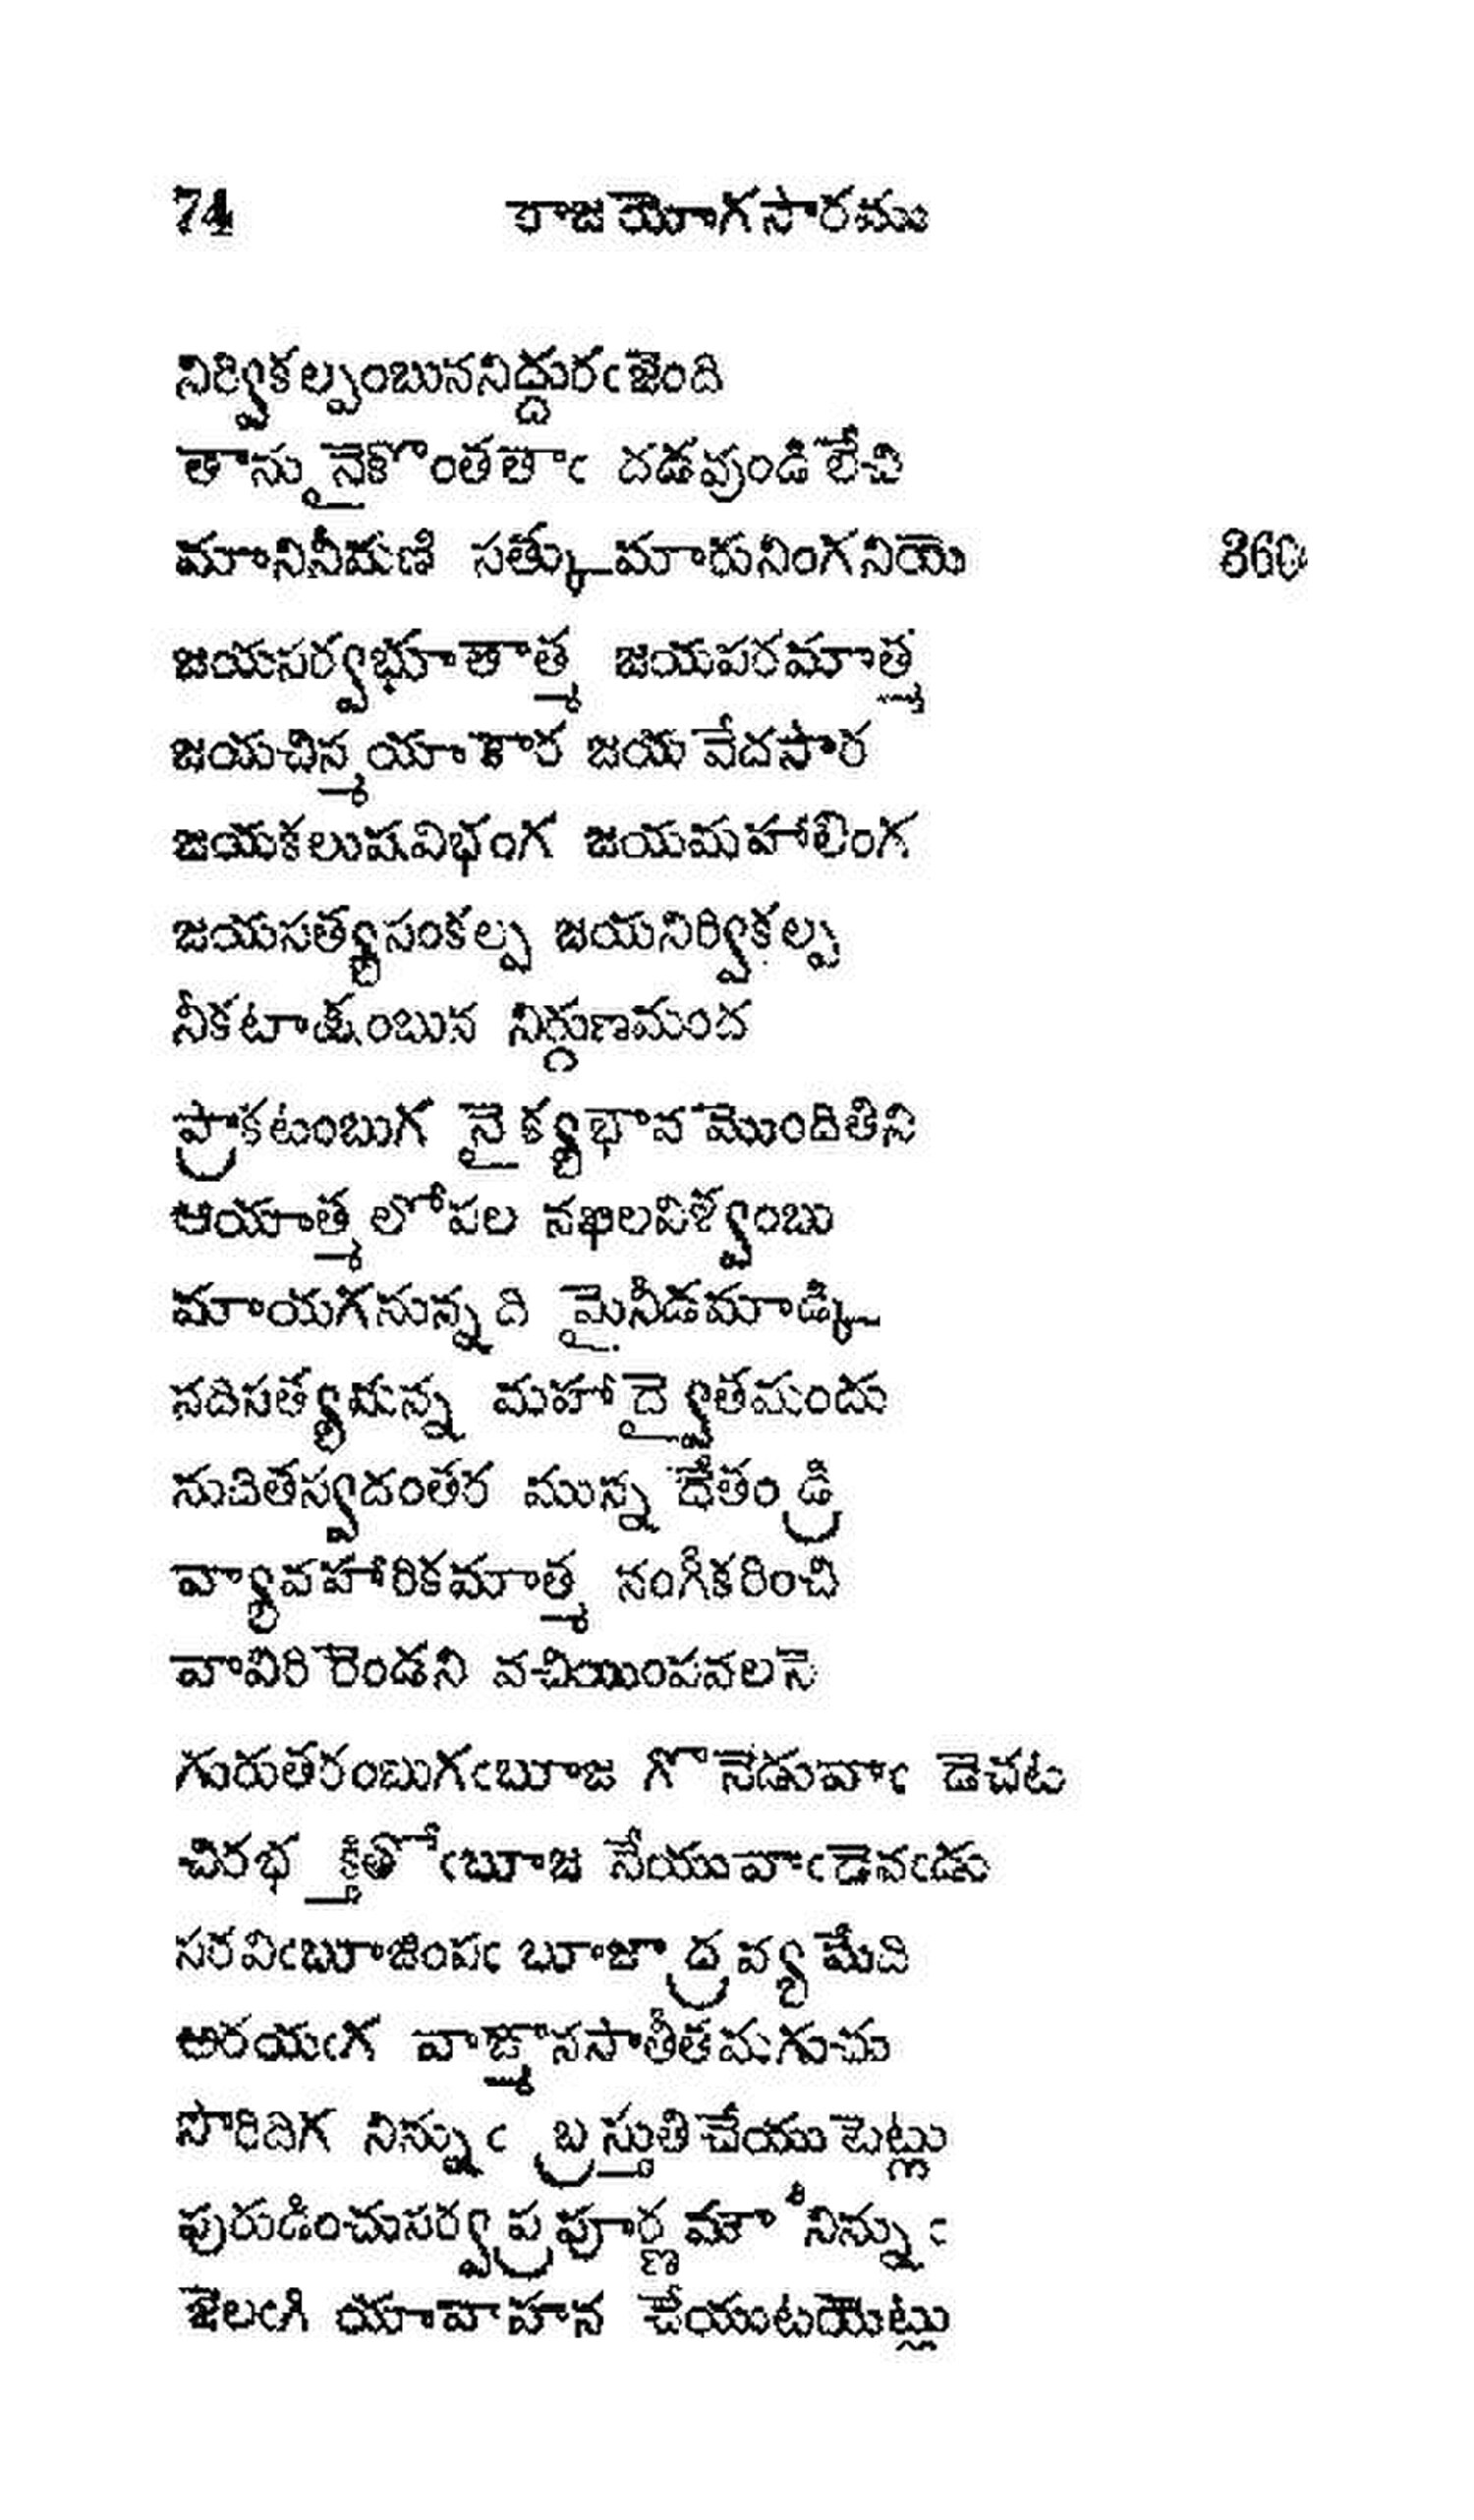నిర్వికల్పంబున నిద్దురఁజెంది
తానునై కొంతతాఁ దడవుండి లేచి
మానినీమణి సత్కుమారునిం గనియె
జయసర్వభూతాత్మ జయపరమాత్మ 
జయచిన్మయాకార జయవేదసార
జయకలుషవిభంగ జయమహాలింగ
జయసత్యసంకల్ప జయనిర్వికల్ప
నీకటాక్షంబున నిర్గుణమంద
ప్రాకటంబుగ నైక్యభావ మొందితిని
ఆయాత్మలోపల నఖిలవిశ్వంబు
మాయగనున్నది మైనీడమాడ్కి
నదిసత్యమన్న మహాద్వైతమందు 
నుదితస్వదంతర మున్నదేతండ్రి
వ్యావహారికమాత్మ నంగీకరించి
వావిరిరెండని వచియింపవలసె
గురుతరంబుగఁబూజ గొనెడువాఁ డెచట
చిరభక్తితోఁ బూజ సేయువాఁడెవఁడు
సరవిఁబూజింపఁ బూజాద్రవ్యమేది
అరయఁగ వాఙ్మానసాతీత మగుచు
సొరిదిగ నిన్నుఁ బ్రస్తుతి చేయు టెట్లు
పురుడించు సర్వప్రపూర్ణమౌ నిన్నుఁ
జెలఁగి యావాహన చేయుటయెట్లు